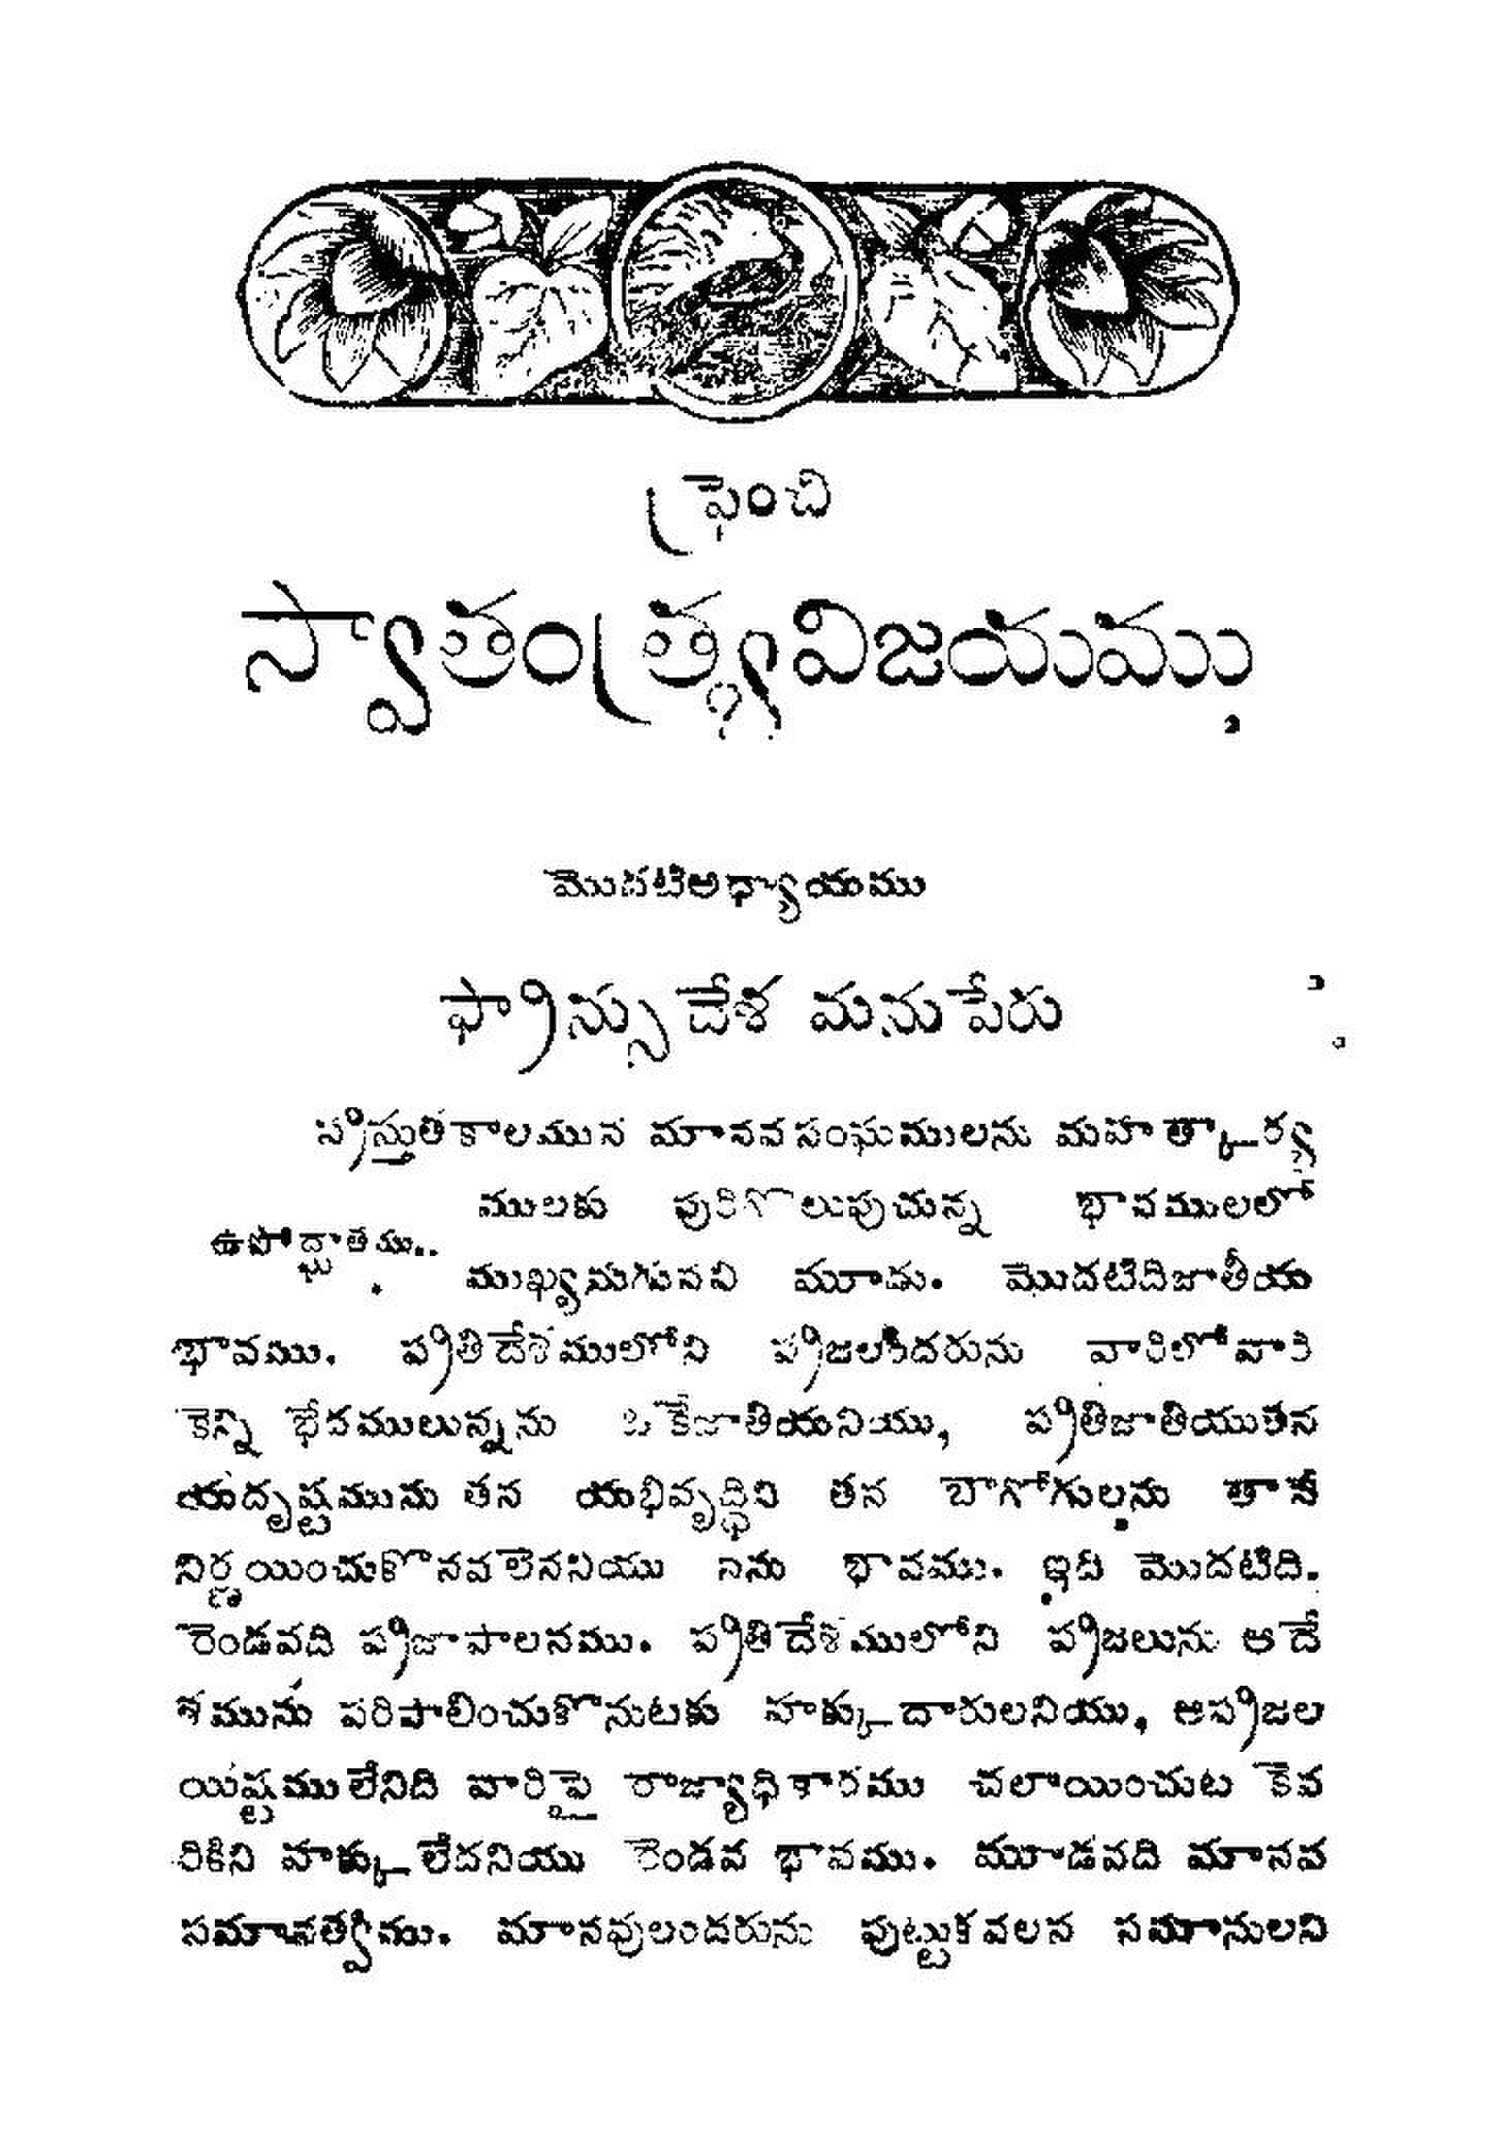ప్రస్తుత కాలమున మానవ సంఘములను మహత్కార్యములకు
పురికొలుపుచున్న భావములలో
ముఖ్య నగునవి మూడు. మొదటిది జూతీయ
భావము, ప్రతి దేశములోని ప్రజలందరును వారిలో వారి కెన్ని
'భేదములున్నను - ఓకే జాతీయనియు, ప్రతి జాతియుతన
యదృష్టమును తనయభివృద్ధిని తన బాగోగులను తానే
నిర్ణయించుకొనవ లేననియు నేను భావము. ఇది మొదటిది.
రెండవది ప్రజాపాలనము. ప్రతి దేశములోని ప్రజలును. అదే
శమును పరిపాలించుకొనుటకు హక్కు దారులనియు, ఆప్రజల
యిష్టము లేనిది వారిపై రాజ్యాధికారము చలాయించుట కెవ
రికిని హక్కు లేదనియు రెండవ భావము. మూడవది మానవ
సమానత్వము. మానవులందరును పుట్టుక వలన సమానులని